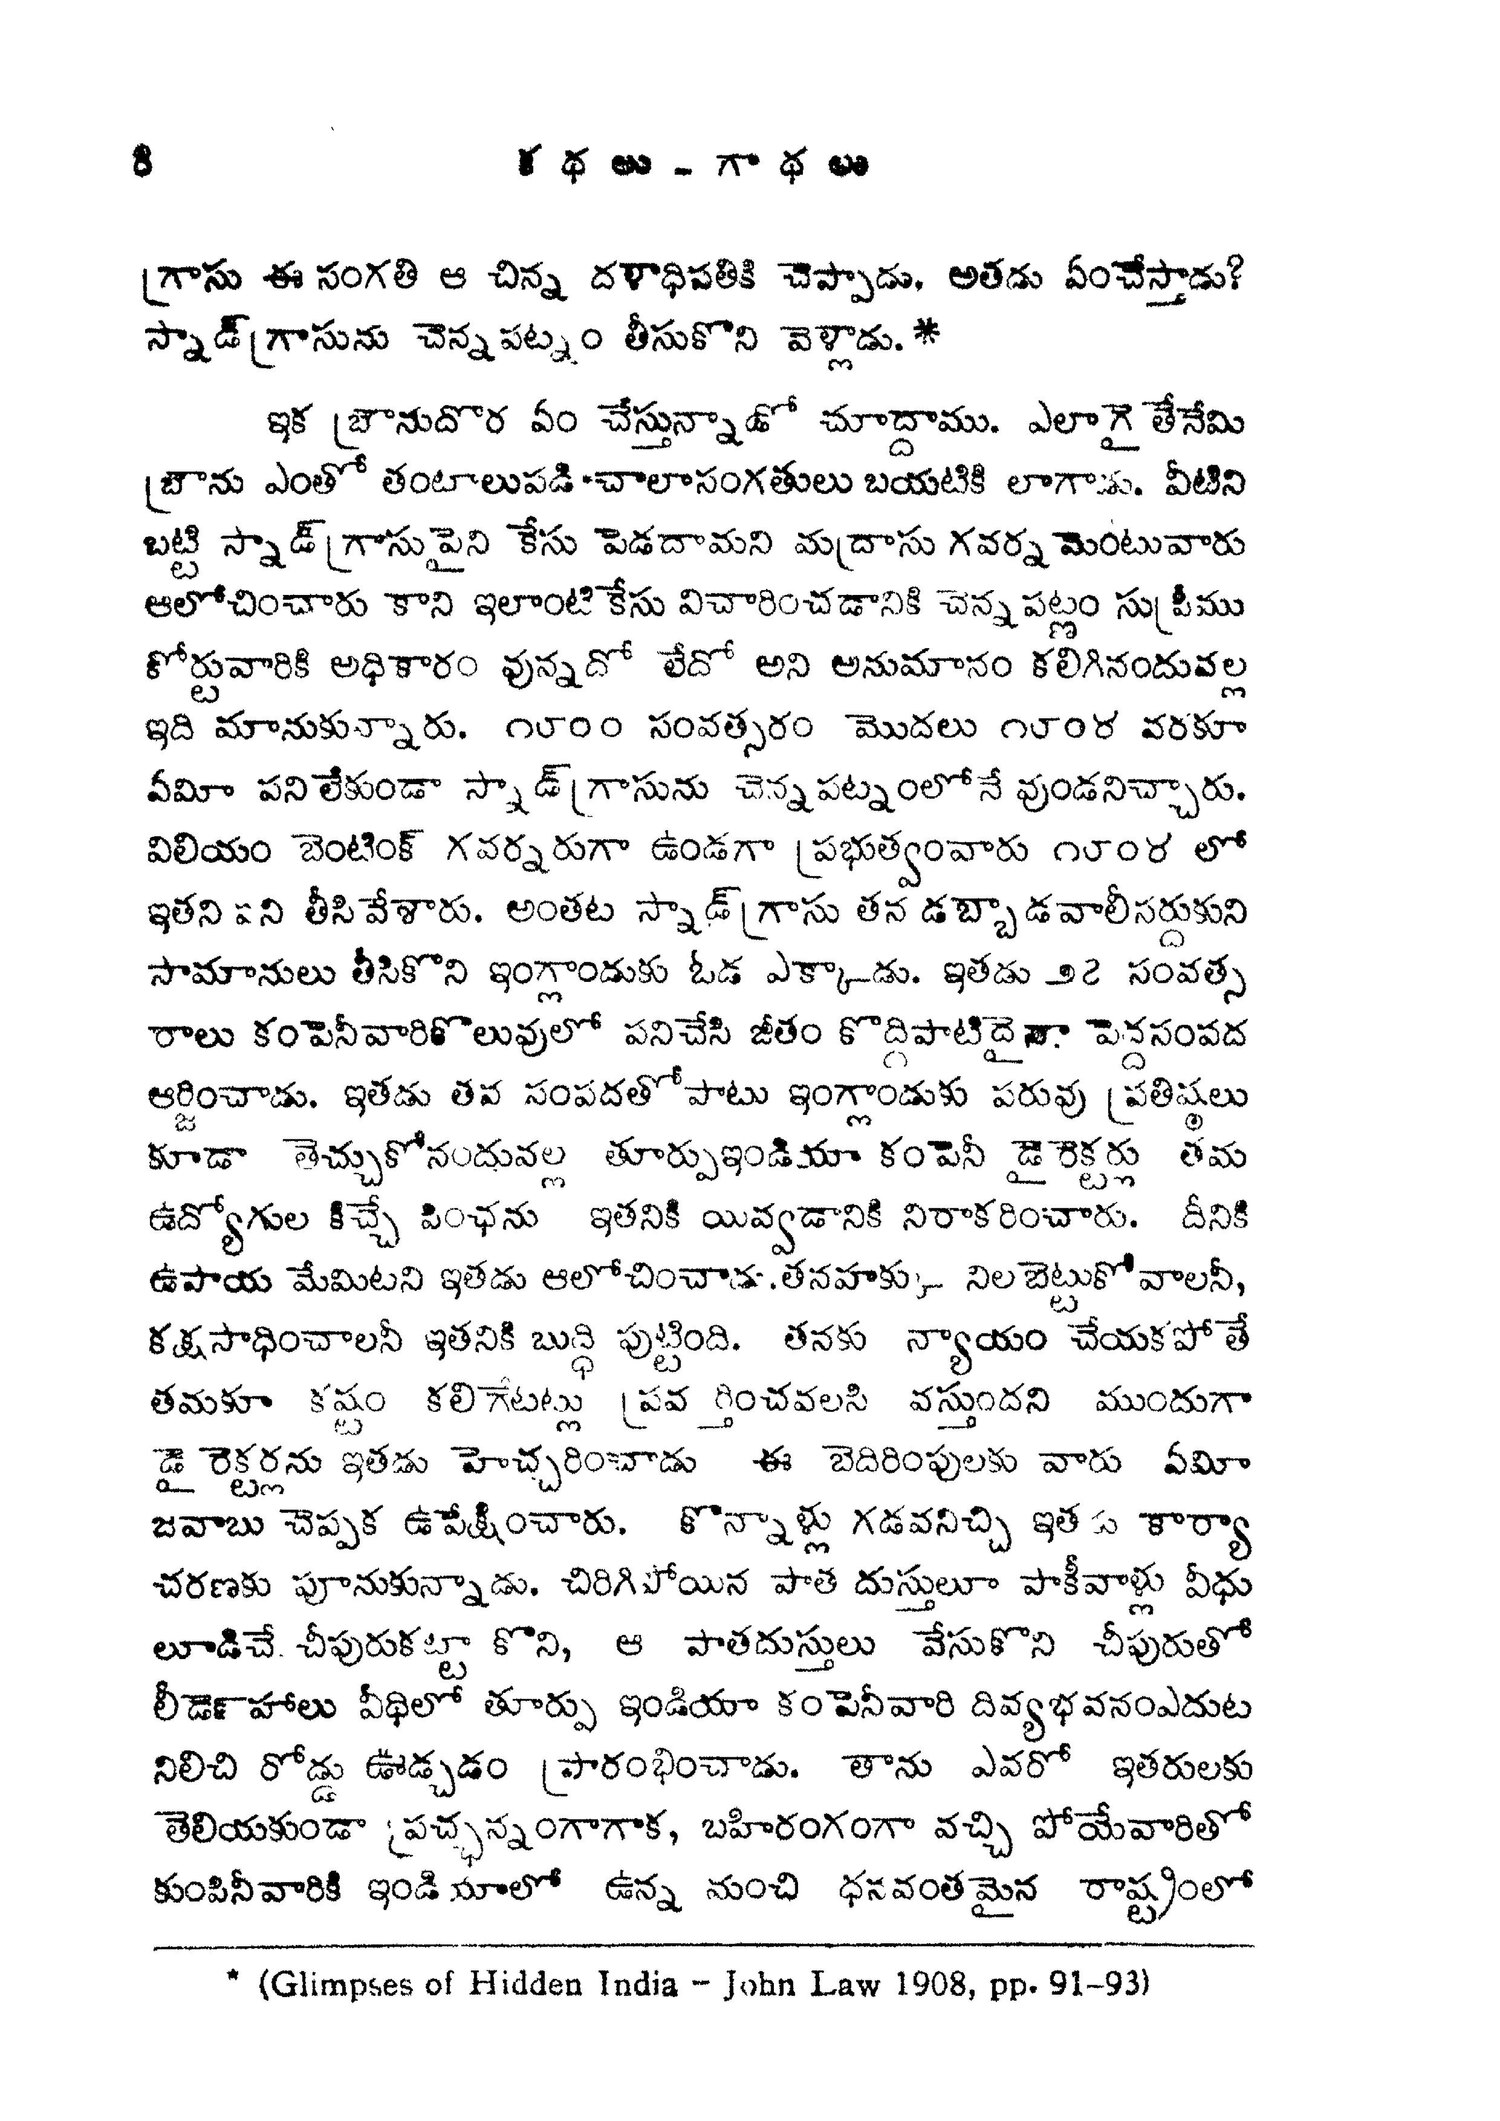గ్రాసు ఈ సంగతి ఆ చిన్న దళాధిపతికి చెప్పాడు. అతడు ఏంచేస్తాడు? స్నాడ్ గ్రాసును చెన్నపట్నం తీసుకొని వెళ్లాడు.*

ఇక బ్రౌనుదొర ఏం చేస్తున్నాడో చూద్దాము. ఎలాగైతేనేమి బ్రౌను ఎంతో తంటాలుపడి చాలాసంగతులు బయటికి లాగాడు. వీటిని బట్టి స్నాడ్ గ్రాసుపైని కేసు పెడదామని మద్రాసు గవర్నమెంటువారు ఆలోచించారు కాని ఇలాంటికేసు విచారింఛడానికి చెన్నపట్నం సుప్రీము కోర్టువారికి అధికారం వున్నదో లేదో అని అనుమానం కలిగినందువల్ల ఇది మానుకున్నారు. 1800 సంవత్సరం మొదలు 1804 వరకూ ఏమీ పనిలేకుండా స్నాడ్ గ్రాసును చెన్నపట్నంలోనే వుండమన్నారు. విలియం బెంటింక్ గవర్నరుగా ఉండగా ప్రభుత్వంవారు 1804 లో ఇతని పని తీసివేశారు. అంతట స్నాడ్ గ్రాసు తన డబ్బాడవాలీసర్దుకుని సామానులు తీసుకొని ఇంగ్లాండుకు ఓడ ఎక్కాడు. ఇతడు 27 సంవత్సరాలు కంపనీవారికొలువులో పనిచేసి జీతం కొద్దిపాటిదైనా పెద్దసంపద ఆర్జించాడు. ఇతడు తన సంపదతో పాటు ఇంగ్లాండుకు పరువు ప్రతిష్టలు కూడా తెచ్చుకోవడం వల్ల తూర్పుఇండియా కంపెనీ డైరెక్టర్లు తమ ఉద్యోగుల కెచ్చే పించను ఇతనికి యివ్వడానికి నిరాకరించారు. దీనికి ఉపాయ మేమిటని ఇతడు ఆలోచించాడు. తనహక్కు నిలబెట్టుకోవాలనీ కక్షసాధీంచాలని ఇతనికి బుద్ధి పుట్టింది. తనకు న్యాయం చేయకపోతే తమకూ కష్టం కలిగేటట్లు ప్రవర్తించవలసి వస్తుందని ముందుగా డైరెక్టర్లను ఇతడు హెచ్చరించాడు. ఈ బెదిరింపులకు వారు ఏమీ జవాబు చెప్పక ఉపేక్షించారు. కొన్నాళ్లు గడవనిచ్చి ఇతడు కార్యాచరణకు పూనుకున్నాడు. చిరిగిపోయిన పాతదుస్తులూ పాకీవాళ్లు వీధులూడిచే చీపురుకట్టా కొని, ఆ పాతదుస్తులు వేసుకొని చీపురుతో లీడెన్ హాలు వీధిలో తూర్పు ఇండియా కంపెనీవారి దివ్యభవనం ఎదుట నిలిచి రోడ్డు ఊడ్చడం ప్రారంభించాడు. తాను ఎవరో ఇతరులకు తెలియకుండా ప్రచ్చన్నంగాగాక, బహిరంగంగా వచ్చి పోయేవారితో కుంపినీవారికి ఇండియలో ఉన్న మంచి ధనవంతమైన రాష్ట్రంలో